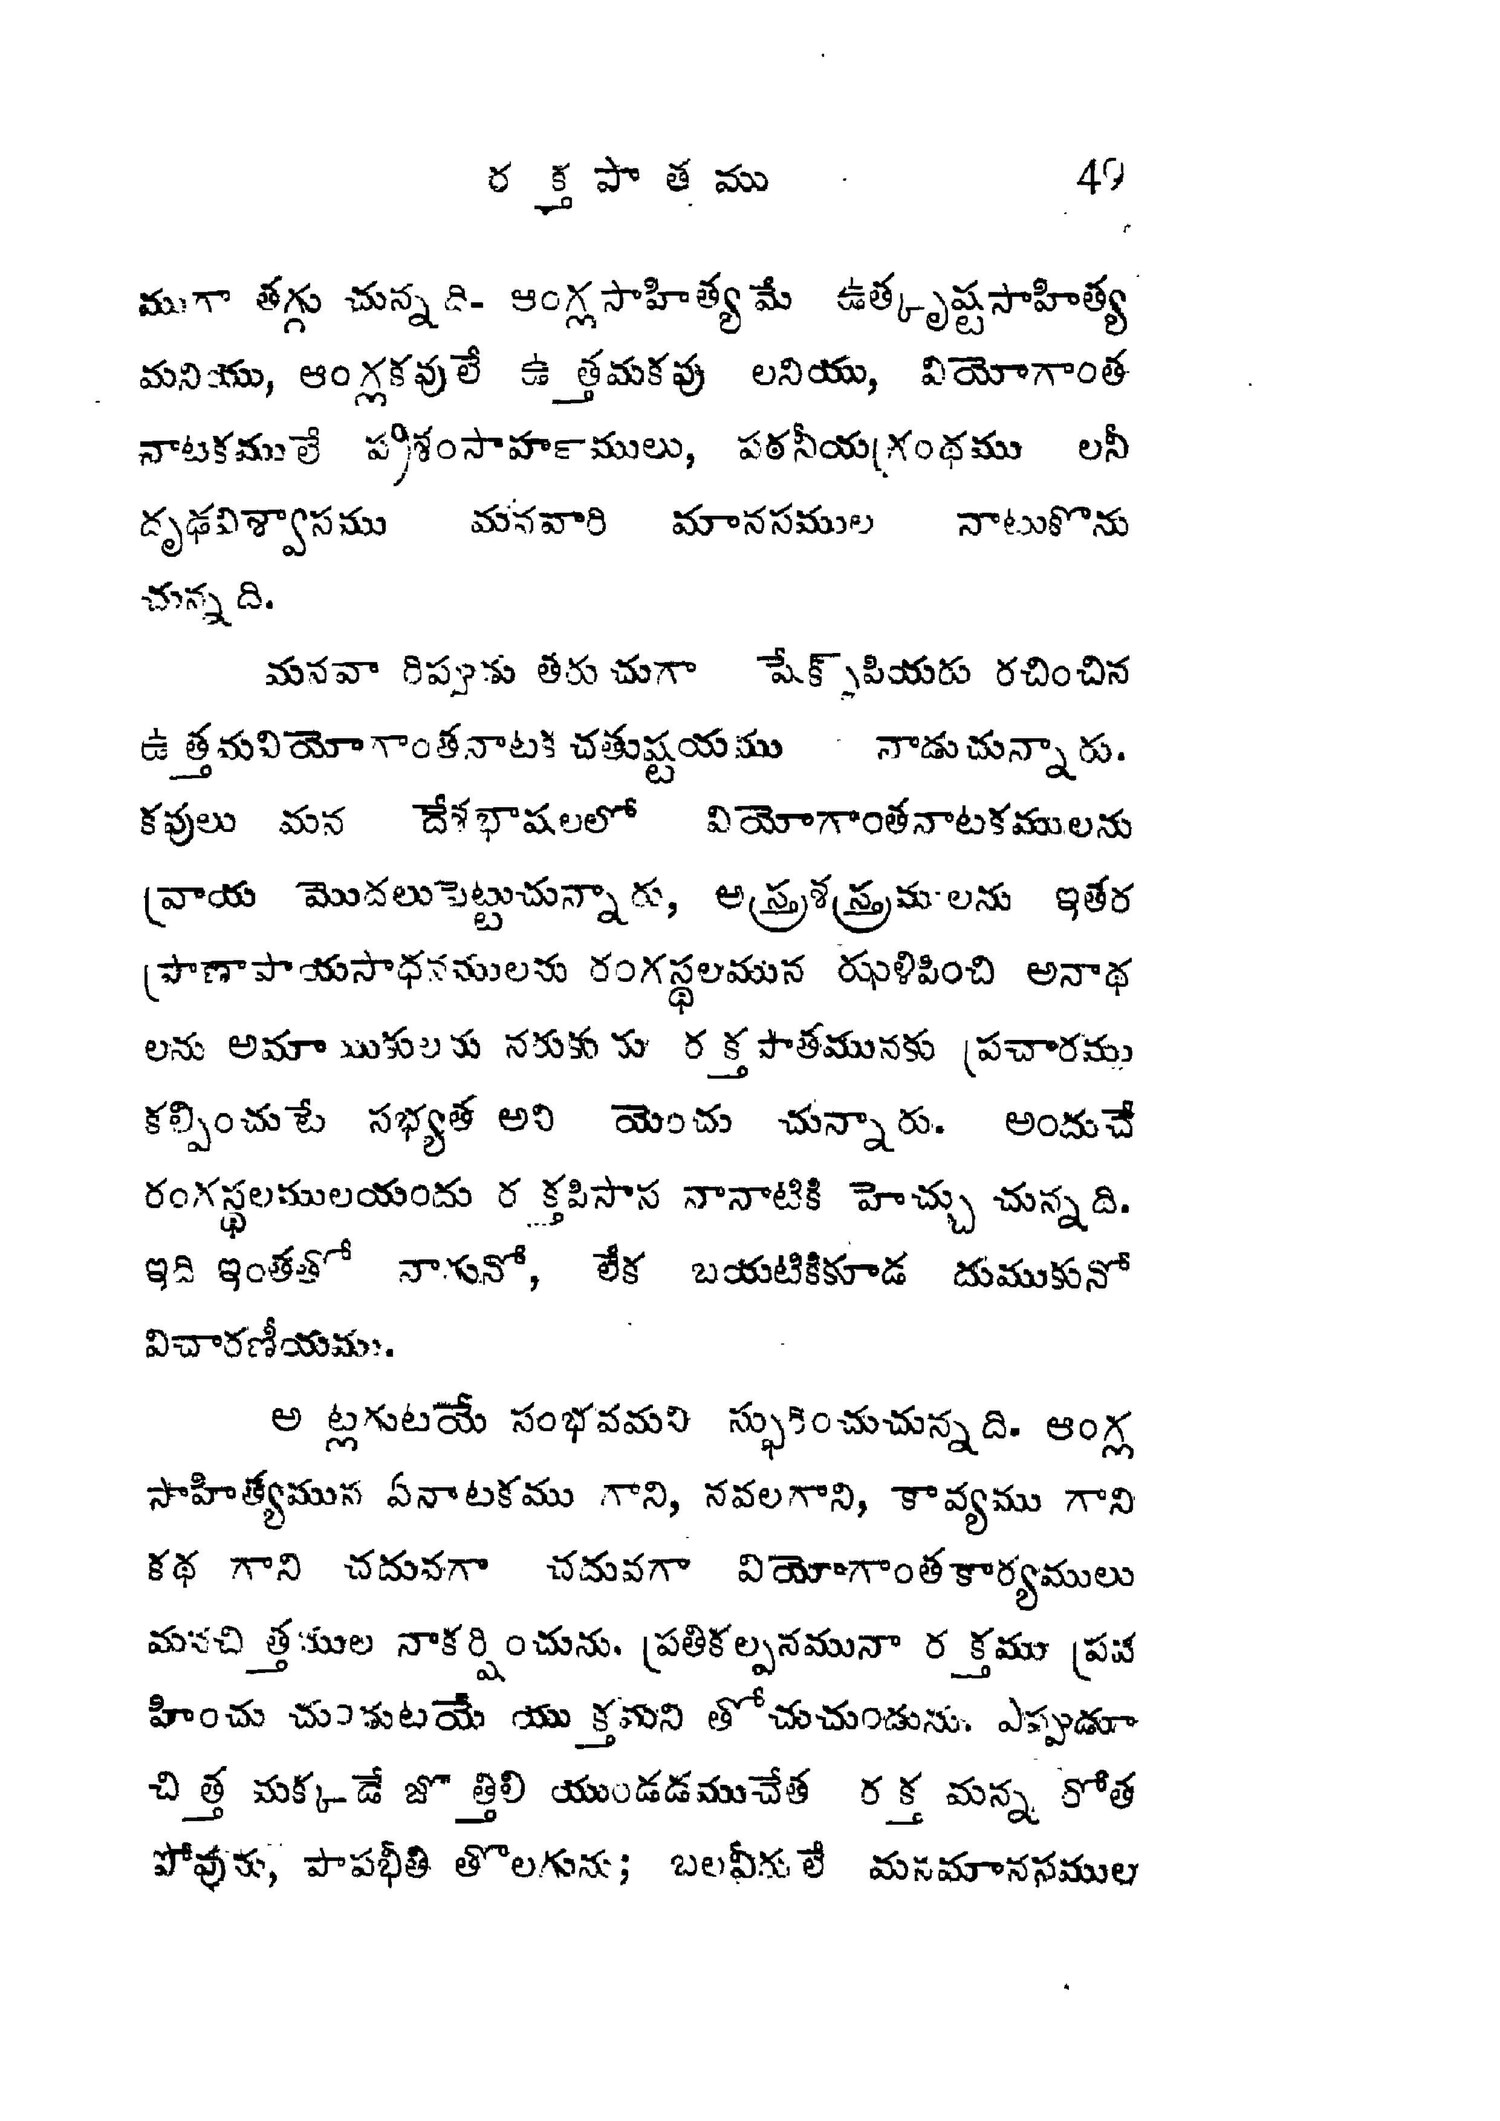ముగా తగ్గు చున్నది. ఆంగ్లసాహిత్యమే ఉత్కృష్టసాహిత్యమనియు, ఆంగ్లకవులే ఉత్తమకవు లనియు, వియోగాంత నాటకములే ప్రశంసాహన్‌ములు, పఠనీయగ్రంథము లనీ దృఢవిశ్వాసము మనవారి మానసముల నాటుకొను చున్నది.

మనవా రిప్పుడు తరుచుగా షేక్స్‌పియరు రచించిన ఉత్తమవియోగాంతనాటక చతుష్టయము నాడుచున్నారు. కవులు మన దేశభాషలలో వియోంతనాటకములను వ్రాయ మొదలుపెట్టుచున్నారు, అస్త్రశస్త్రములను ఇతర ప్రాణాపాయసాధనములను రంగస్థలమున ఝళిపించి అనాథలను అమాయికులను నరుకుచు రక్తపాతమునకు ప్రచారము కల్పించుటచే సభ్యత అని యెంచు చున్నారు. అందుచే రంగస్థలములయందు రక్తపిసాస నానాటికి హెచ్చు చున్నది. ఇది ఇంతతో నాగునో, లేక బయటికికూడ దుముకునో విచారణీయము.

అ ట్లగుటయే సంభవమని స్ఫురించుచున్నది. ఆంగ్ల సాహిత్యమున ఏనాటకము గాని, నవలగాని, కావ్యము గాని కథ గాని చదువగా చదువగా వియోగాంతకార్యములు మనచిత్తముల నాకర్షించును. ప్రతికల్పనమునా రక్తము ప్రవహించు చుండుటయే యుక్తమని తోచుచుండును. ఎప్పుడూ చిత్త మక్కడే జొత్తిలి యుండడముచేత రక్త మన్న రోత పోవును, పాపభీతు తొలగును; బలవీరులే మనమానసముల